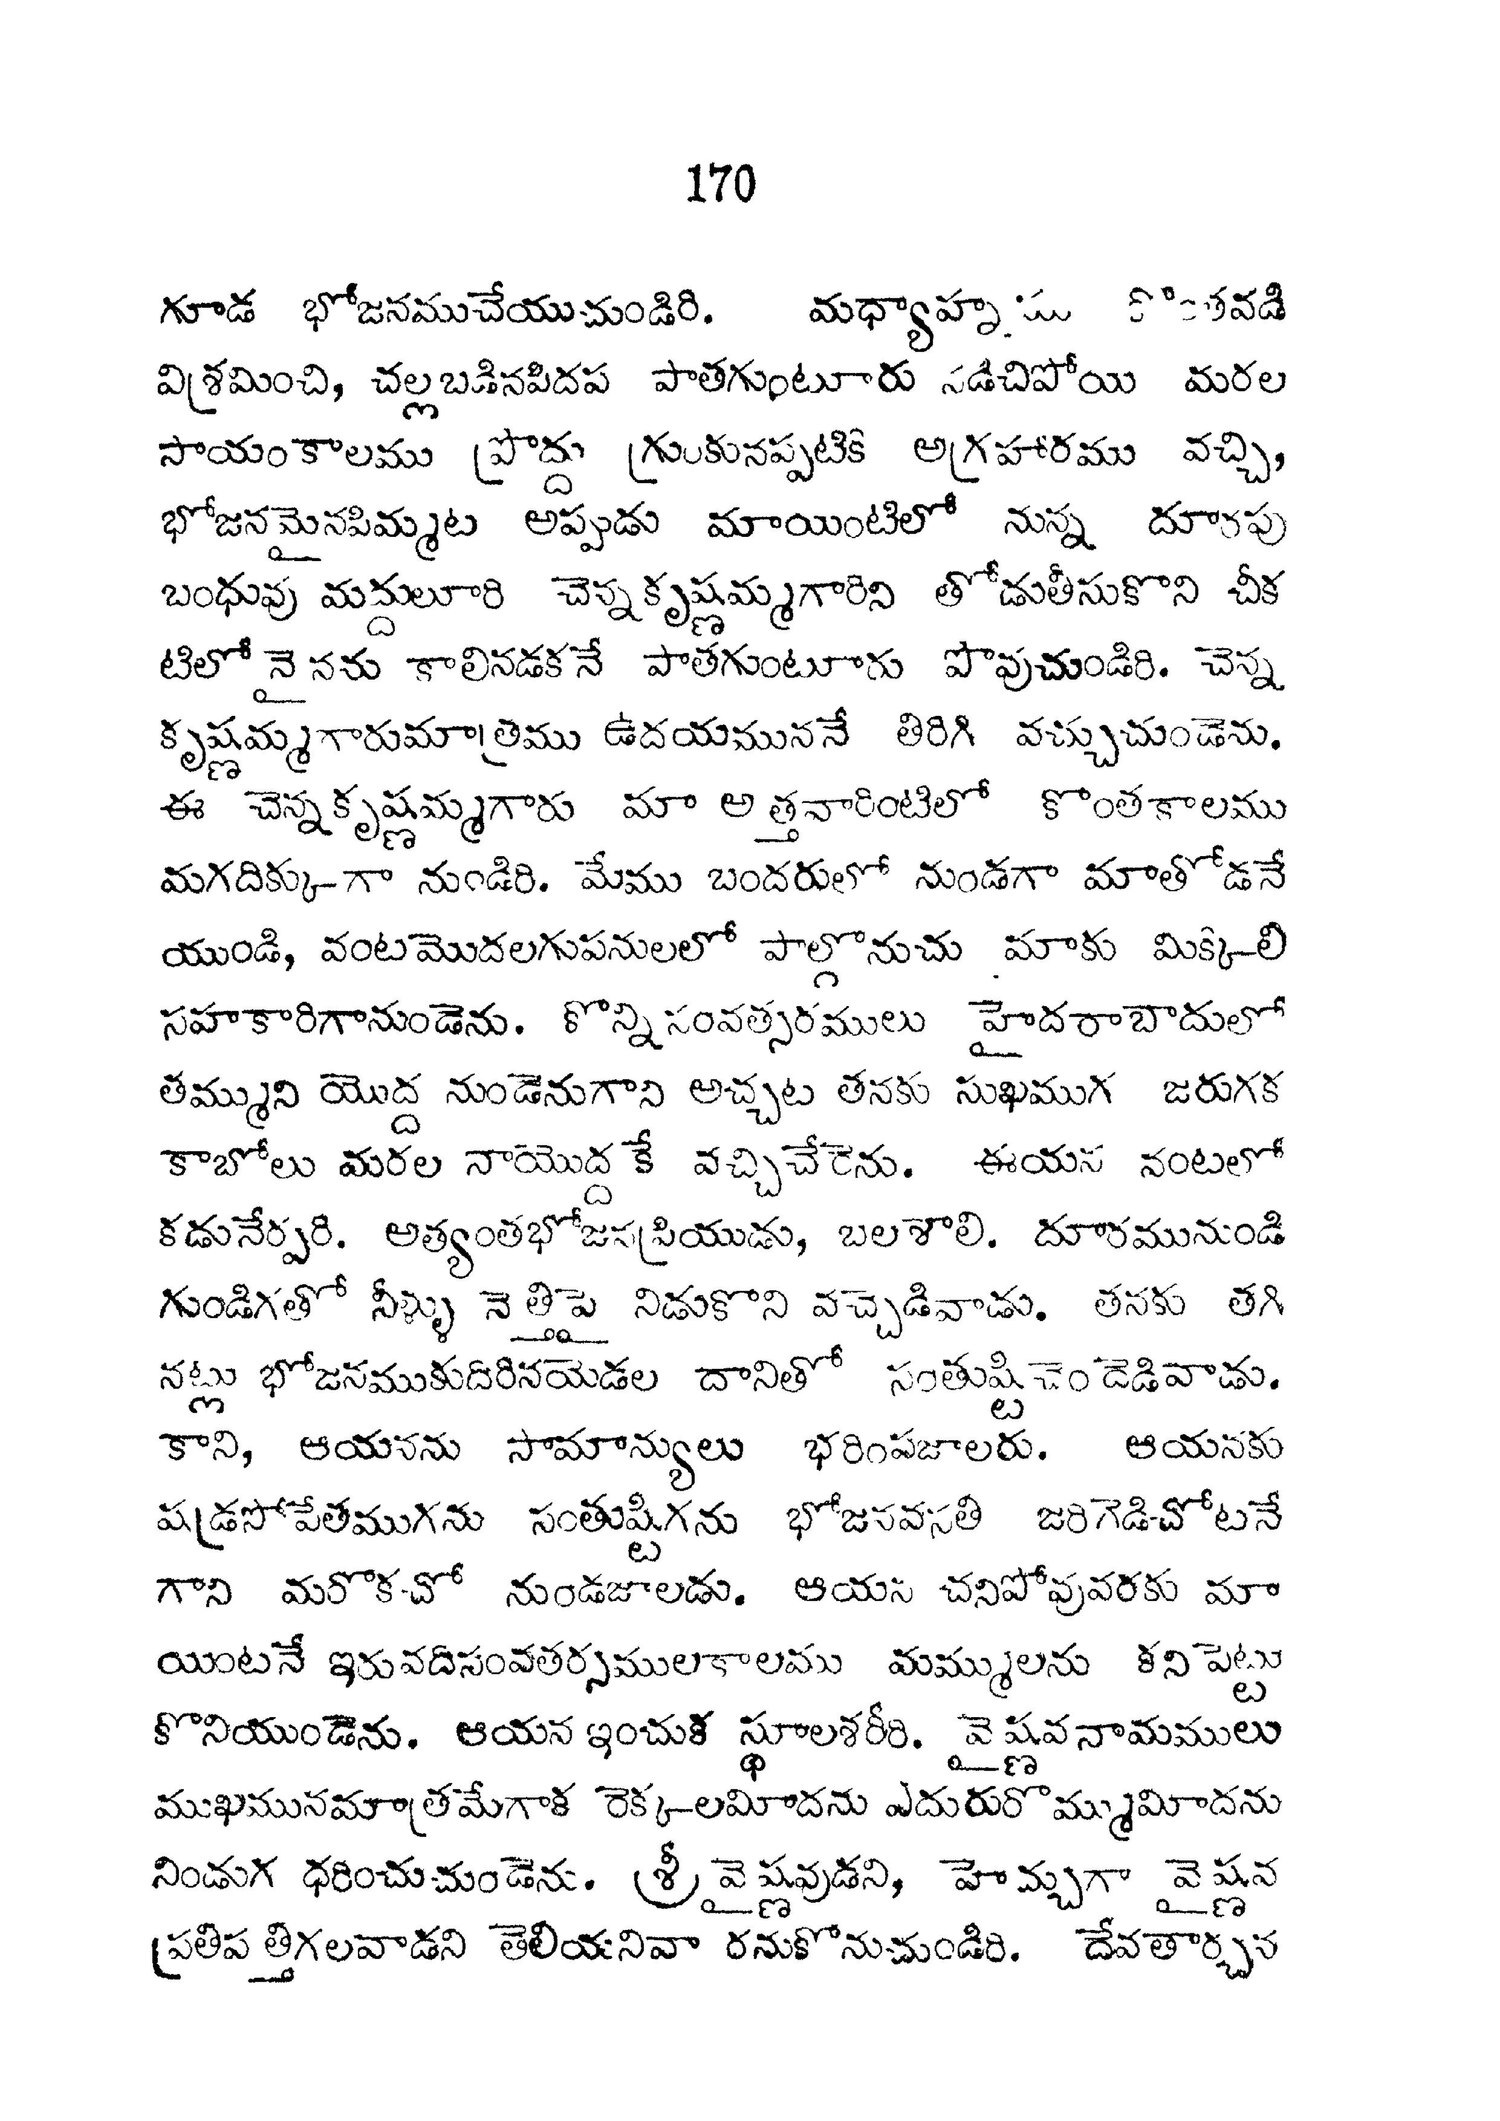గూడ భోజనముచేయుచుండిరి. మధ్యాహ్నము కొంతవడి విశ్రమించి, చల్లబడినపిదప పాతగుంటూరు నడచిపోయి మరల సాయంకాలము ప్రొద్దు గ్రుకునప్పటికి అగ్రహారము వచ్చి, భోజనమైనపిమ్మట అప్పుడు మాయింటిలో నున్న దూరపు బంధువు మద్దులూరి చెన్నకృష్ణమ్మగారిని తోడుతీసుకొని చీకటిలోనైనను కాలినడకనే పాతగుంటూరు పోవుచుండిరి. చెన్నకృష్ణమ్మగారుమాత్రము ఉదయముననే తిరిగి వచ్చుచుండెను. ఈ చెన్నకృష్ణమ్మగారు మా అత్తవారింటిలో కొంతకాలము మగదిక్కుగా నుండిరి. మేము బందరులో నుండగా మాతోడనే యుండి, వంటమొదలగుపనులలో పాల్గొనుచు మాకు మిక్కిలి సహకారిగానుండెను. కొన్నిసంవత్సరములు హైదరాబాదులో తమ్మునియొద్ద నుండెనుగాని అచ్చట తనకు సుఖముగ జరుగక కాబోలు మరల నాయొద్దకే వచ్చిచేరెను. ఈయన వంటలో కడునేర్పరి. అత్యంతభోజనప్రియుడు, బలశాలి. దూరమునుండి గుండిగతో నీళ్ళు నెత్తిపై నిడుకొని వచ్చెడివాడు. తనకు తగినట్లు భోజనముకుదిరినయెడల దానితో సంతుష్టిచెందెడివాడు. కాని, ఆయనను సామాన్యులు భరింపజాలరు. ఆయనకు షడ్రసోపేతముగను సంతుష్టిగను భోజనవసతి జరిగెడిచోటనే గాని మరొకచో నుండజాలడు. ఆయన చనిపోవువరకు మా యింటనే ఇరువదిసంవత్సరములకాలము మమ్ములను కనిపెట్టుకొనియుండెను. ఆయన ఇంచుక స్థూలశరీరి. వైష్ణవనామములు ముఖమునమాత్రమేగాక రెక్కలమీదను ఎదురురొమ్ముమీదను నిండుగ ధరించుచుండెను. శ్రీవైష్ణవుడని, హెచ్చుగా వైష్ణవ ప్రతిపత్తిగలవాడని తెలియనివా రనుకొనుచుండిరి. దేవతార్చన